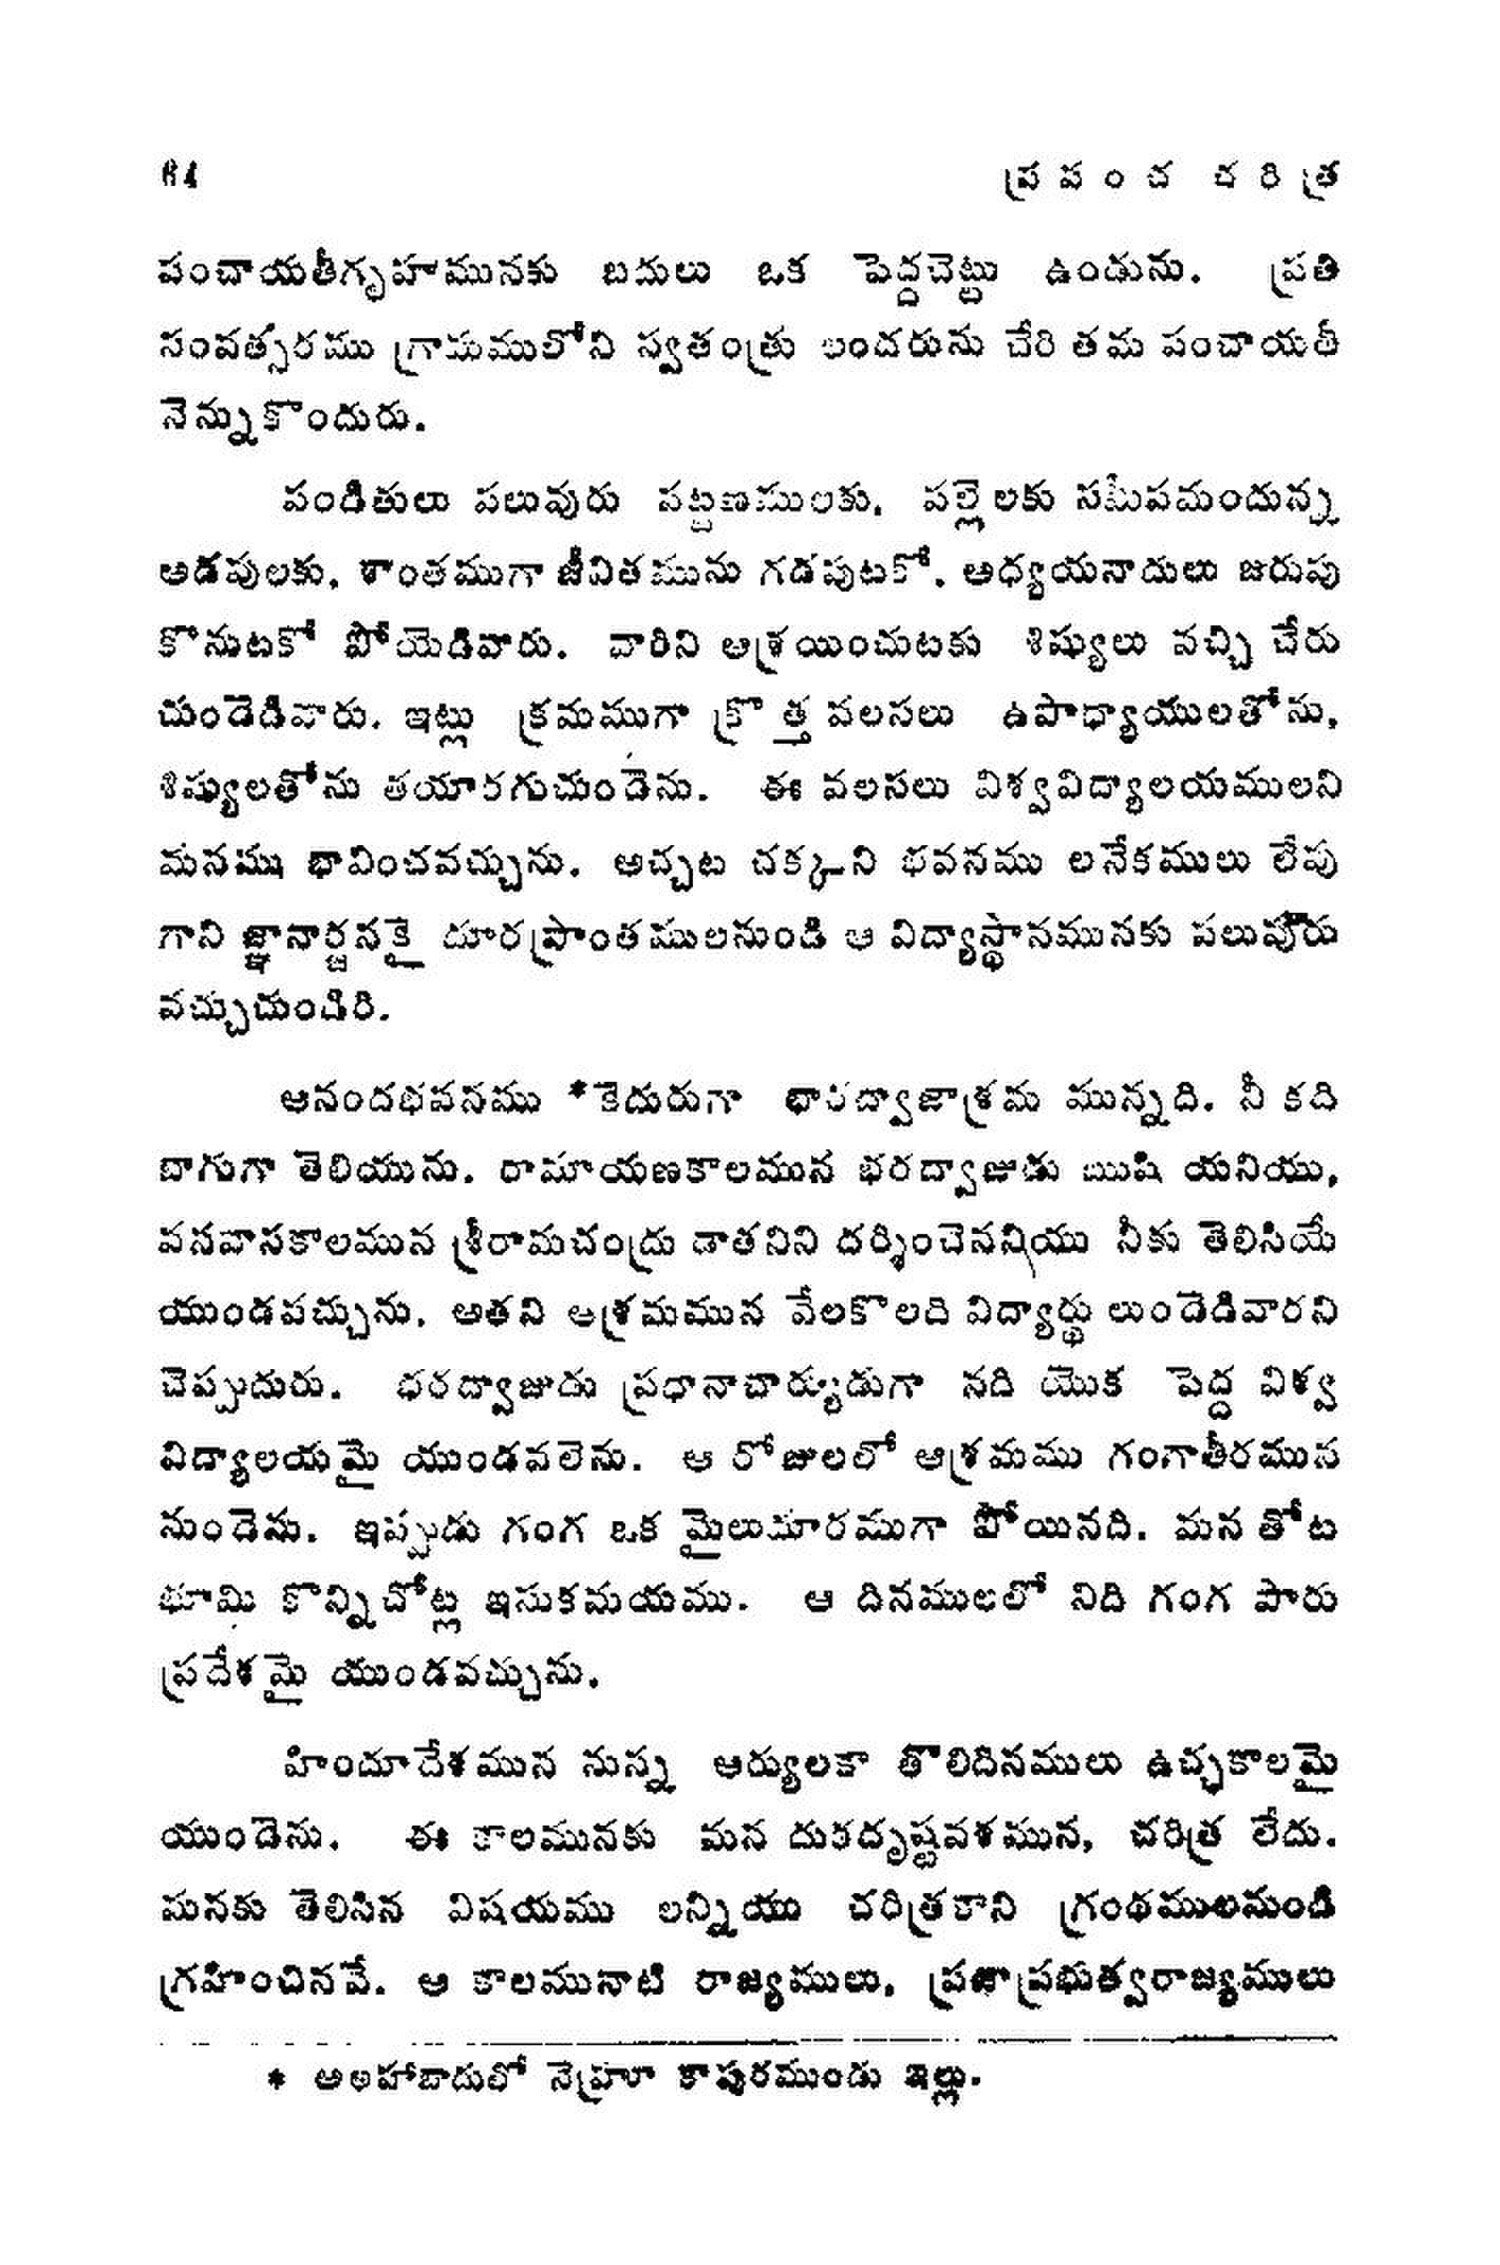పంచాయతీగృహమునకు బదులు ఒక పెద్దచెట్టు ఉండును. ప్రతి సంవత్సరము గ్రామములోని స్వతంత్రు లందరును చేరి తమ పంచాయతీ నెన్నుకొందురు.

పండితులు పలువురు పట్టణములకు, పల్లెలకు సమీపమందున్న అడవులకు, శాంతముగా జీవితమును గడపుటకో, ఆధ్యయనాదులు జరుపు కొనుటకో పోయెడివారు. వారిని ఆశ్రయించుటకు శిష్యులు వచ్చి చేరుచుండెడివారు. ఇట్లు క్రమముగా క్రొత్త వలసలు ఉపాధ్యాయులతోను, శిష్యులతోను తయారగుచుండెను. ఈ వలసలు విశ్వవిద్యాలయములని మనము భావించవచ్చును. అచ్చట చక్కని భవనము లనేకములు లేవు గాని జ్ఞానార్జనకై దూరప్రాంతములనుండి ఆ విద్యాస్థానమునకు పలువురు వచ్చుచుండిరి.

ఆనందభవనము కెదురుగా భారద్వాజాశ్రమ మున్నది. నీ కది బాగుగా తెలియును. రామాయణకాలమున భరద్వాజుడు ఋషి యనియు, వనవాసకాలమున శ్రీరామచంద్రు డాతనిని దర్శించెననియు నీకు తెలిసియే యుండవచ్చును. అతని ఆశ్రమమున వేలకొలది విద్యార్థు లుండెడివారని చెప్పుదురు. భరద్వాజుడు ప్రధానాచార్యుడుగా నది యొక పెద్ద విశ్వవిద్యాలయమై యుండవలెను. ఆ రోజులలో ఆశ్రమము గంగాతీరమున నుండెను. ఇప్పుడు గంగ ఒక మైలు దూరముగా పోయినది. మనతోట భూమి కొన్నిచోట్ల ఇసుకమయము. ఆ దినములలో నిది గంగ పారు ప్రదేశ మై యుండవచ్చును.

హిందూదేశమున నున్న ఆర్యులకా తొలిదినములు ఉచ్చకాలమై యుండెను. ఈ కాలమునకు మన దురదృష్టవశమున, చరిత్ర లేదు. మనకు తెలిసిన విషయము లన్నియు చరిత్రకాని గ్రంథములనుండి గ్రహించినవే. ఆ కాలమ నాటి రాజ్యములు, ప్రజాప్రభుత్వరాజ్యములు